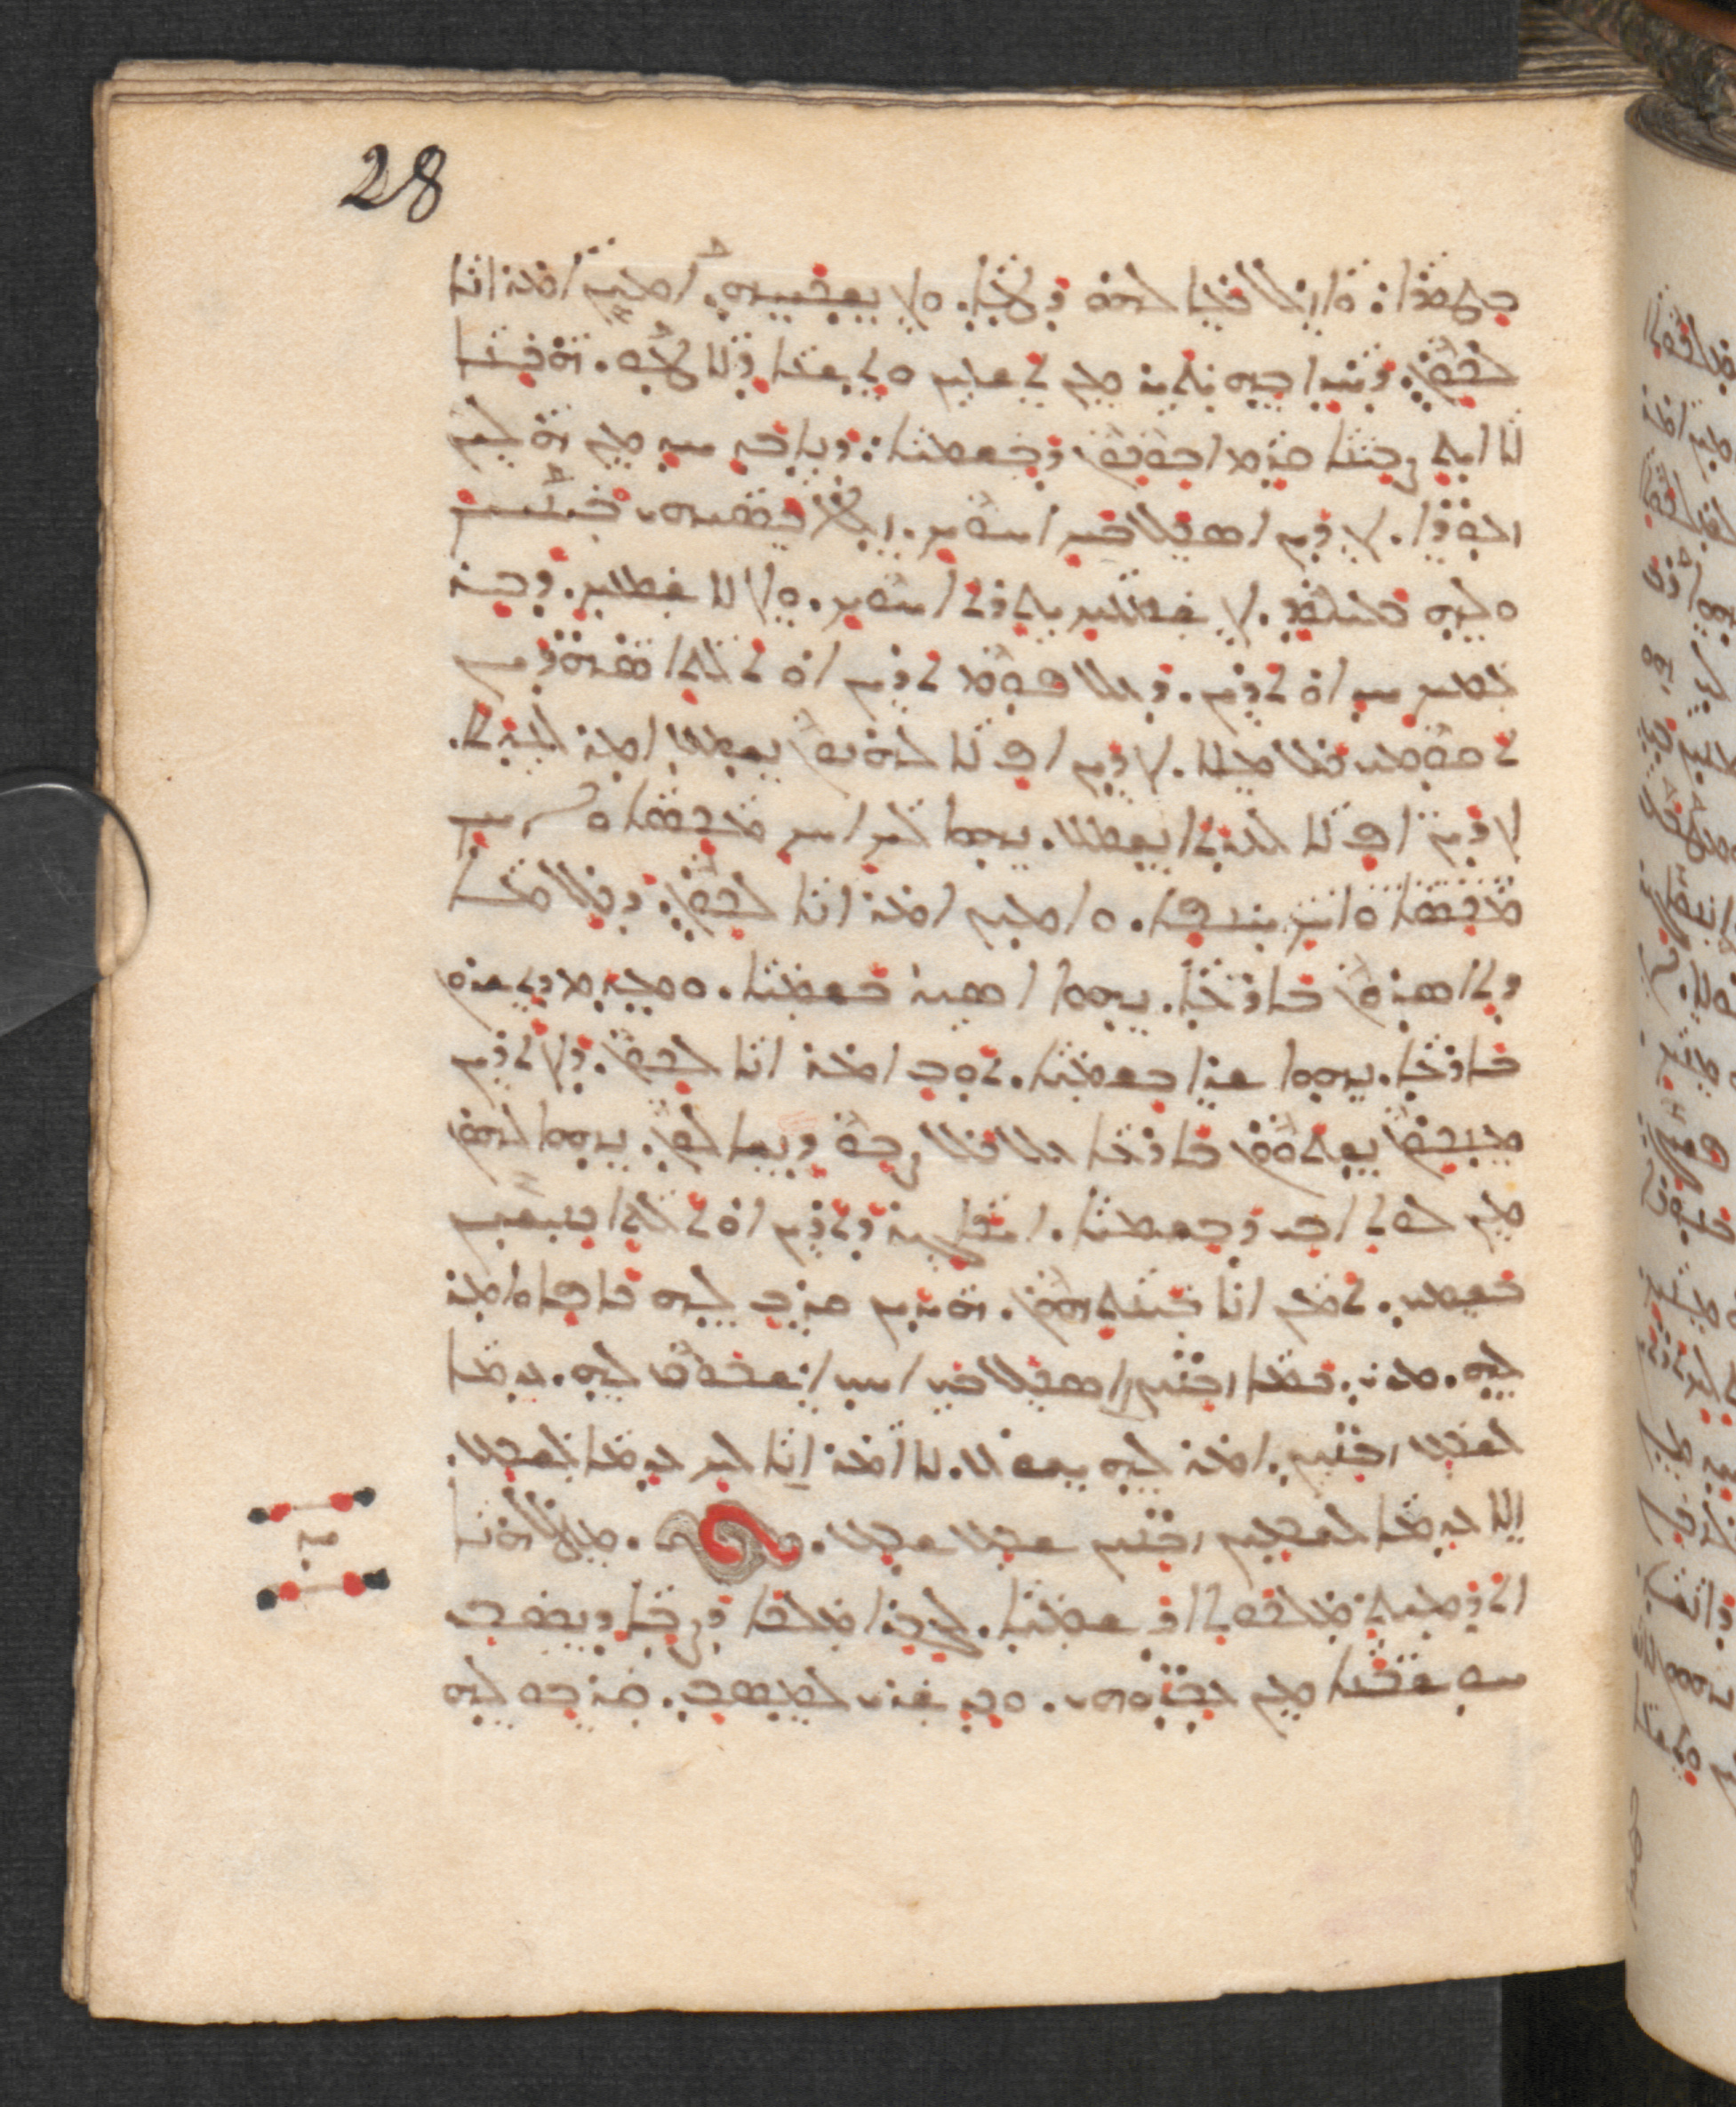ܒܛܘܪܐ: ܘܐ̇ܙܠ ܒ̇ܥܐ ܠܗ̇ܘ ܕܛܥܐ܆ ܘܐܢ ܢܫܟܚܗ܆ ܐܡܝܢ ܐܡ̇ܪ ܐܢܐ
ܠܟܘܢ܆ ܕܚ̇ܕܐ ܒܗ ܝܬܝܪ ܡܢ ܬܫܥܝܢ ܘܬܫܥܐ ܕܠܐ ܛܥܘ. ܗܟܢܐ
ܠܐ ܐܝܬ ܨܒܝܢܐ ܩܕܡ ܐܒܘܟܘܢ ܕܒܫܡܝܐ܇ ܕܢܐܒܕ ܚܕ ܡܢ ܗܠܝܢ
ܙܥܘܪ̈ܐ. ܐܢ ܕܝܢ ܐܣܟܠ ܒܟ ܐܚܘܟ. ܙܠ ܐܟܣܝܗܝ ܒܝܢܝܟ
ܘܠܗ ܒܠܚܘܕ܆ ܐܢ ܫܡܥܟ ܝܬܪܬ ܐܚܘܟ. ܘܐܢ ܠܐ ܫܡܥܟ ܕܒܪ
ܥܡܟ ܚܕ ܐܘ ܬܪܝܢ. ܕܥܠ ܦܘܡ ܬܪܝܢ ܐܘ ܬܠܬܐ ܣܗ̈ܕܝܢ
ܬܩܘܡܝ ܟܠ ܡܠܐ. ܐܢ ܕܝܢ ܐܦ ܠܐ ܠܗܢܘܢ ܢܫܡ̣ܥ ܐܡ̣ܪ ܠܥܕܬܐ.
ܐܢ ܕܝܢ ܐܦ ܠܐ ܠܥܕܬܐ ܢܫܡܥ. ܢܗܘܐ ܠܟ ܐܝܟ ܡܟܣܐ ܘܐܝܟ
ܡ̈ܟܣܐ ܘܐܝܟ ܚܢܦܐ. ܘܐܡܝܢ ܐܡܪ ܐܢܐ ܠܟܘܢ܆ ܕܟܠ ܡܐ
ܕܬܐܣܪܘܢ ܒܐܪܥܐ܆ ܢܗܘܐ ܐܣܝܪ ܒܫܡܝܐ. ܘܡܕܡ ܕܬܫܪܘܢ
ܒܐܪܥܐ. ܢܗܘ̣ܐ ܫܪܐ ܒܫܡܝܐ. ܬܘܒ ܐܡ̇ܪ ܐܢܐ ܠܟܘܢ. ܕܐܢ ܬܪܝܢ
ܡܢܟܘܢ ܢܫܬܘܘܢ ܒܐܪܥܐ ܥܠ ܟܠ ܨܒܘ ܕܢܫܐ ܠܘܢ܆ ܢܗܘܐ ܠܗܘܢ
ܡܢ ܠܘܬ ܐܒܝ ܕܒܫܡܝܐ. ܐܝܟܐܓܝܪ ܕܬܪܝܢ ܐܘܬ ܠܬܐ ܟܢܝܫܝܢ
ܒܫܡܝ܆ ܬܡܢ ܐܢܐ ܒܝܢܬܗܘܢ. ܗܝܕܝܢ ܩܪܒ ܠܗ ܟܐܦܐ ܘܐܡ̣ܪ
ܠܗ. ܡܪܝ ܟܡܐ ܙܒܢ̈ܝܢ ܐܣܟܠ ܒܝ ܐܚܝ ܐܫܒܘܩ ܠܗ܆ ܥܕܡܐ
ܠܫܒܥ ܙܒܢ̈ܝܢ܆ ܐܡ̇ܪ ܠܗ ܝܫܘܥ. ܠܐ ܐܡܪ ܐܢܐ ܠܟ ܥܕܡܐ ܠܫܒܥ:
ܐܠܐ ܥܕܡܐ ܠܫܒܥܝܢ ܙܒ̈ܢܝܢ ܫܒܥ ܫܒܥ ܀ ܡܛܠ ܗܢܐ
ܐܬܕܡܝܬ݀ ܡܠܟܘܬܐ ܕܫܡܝܐ. ܠܓܒܪܐ ܡܠܟܐ ܕܨܒܐ ܕܢܣܒ
ܚܘܫܒܢܐ ܡܢ ܥܒ̈ܕܘܗܝ. ܘܟܕ ܫܪܝ ܠܡܣܒ܆ ܩܪܒܘ ܠܗ
28
ܝܪ